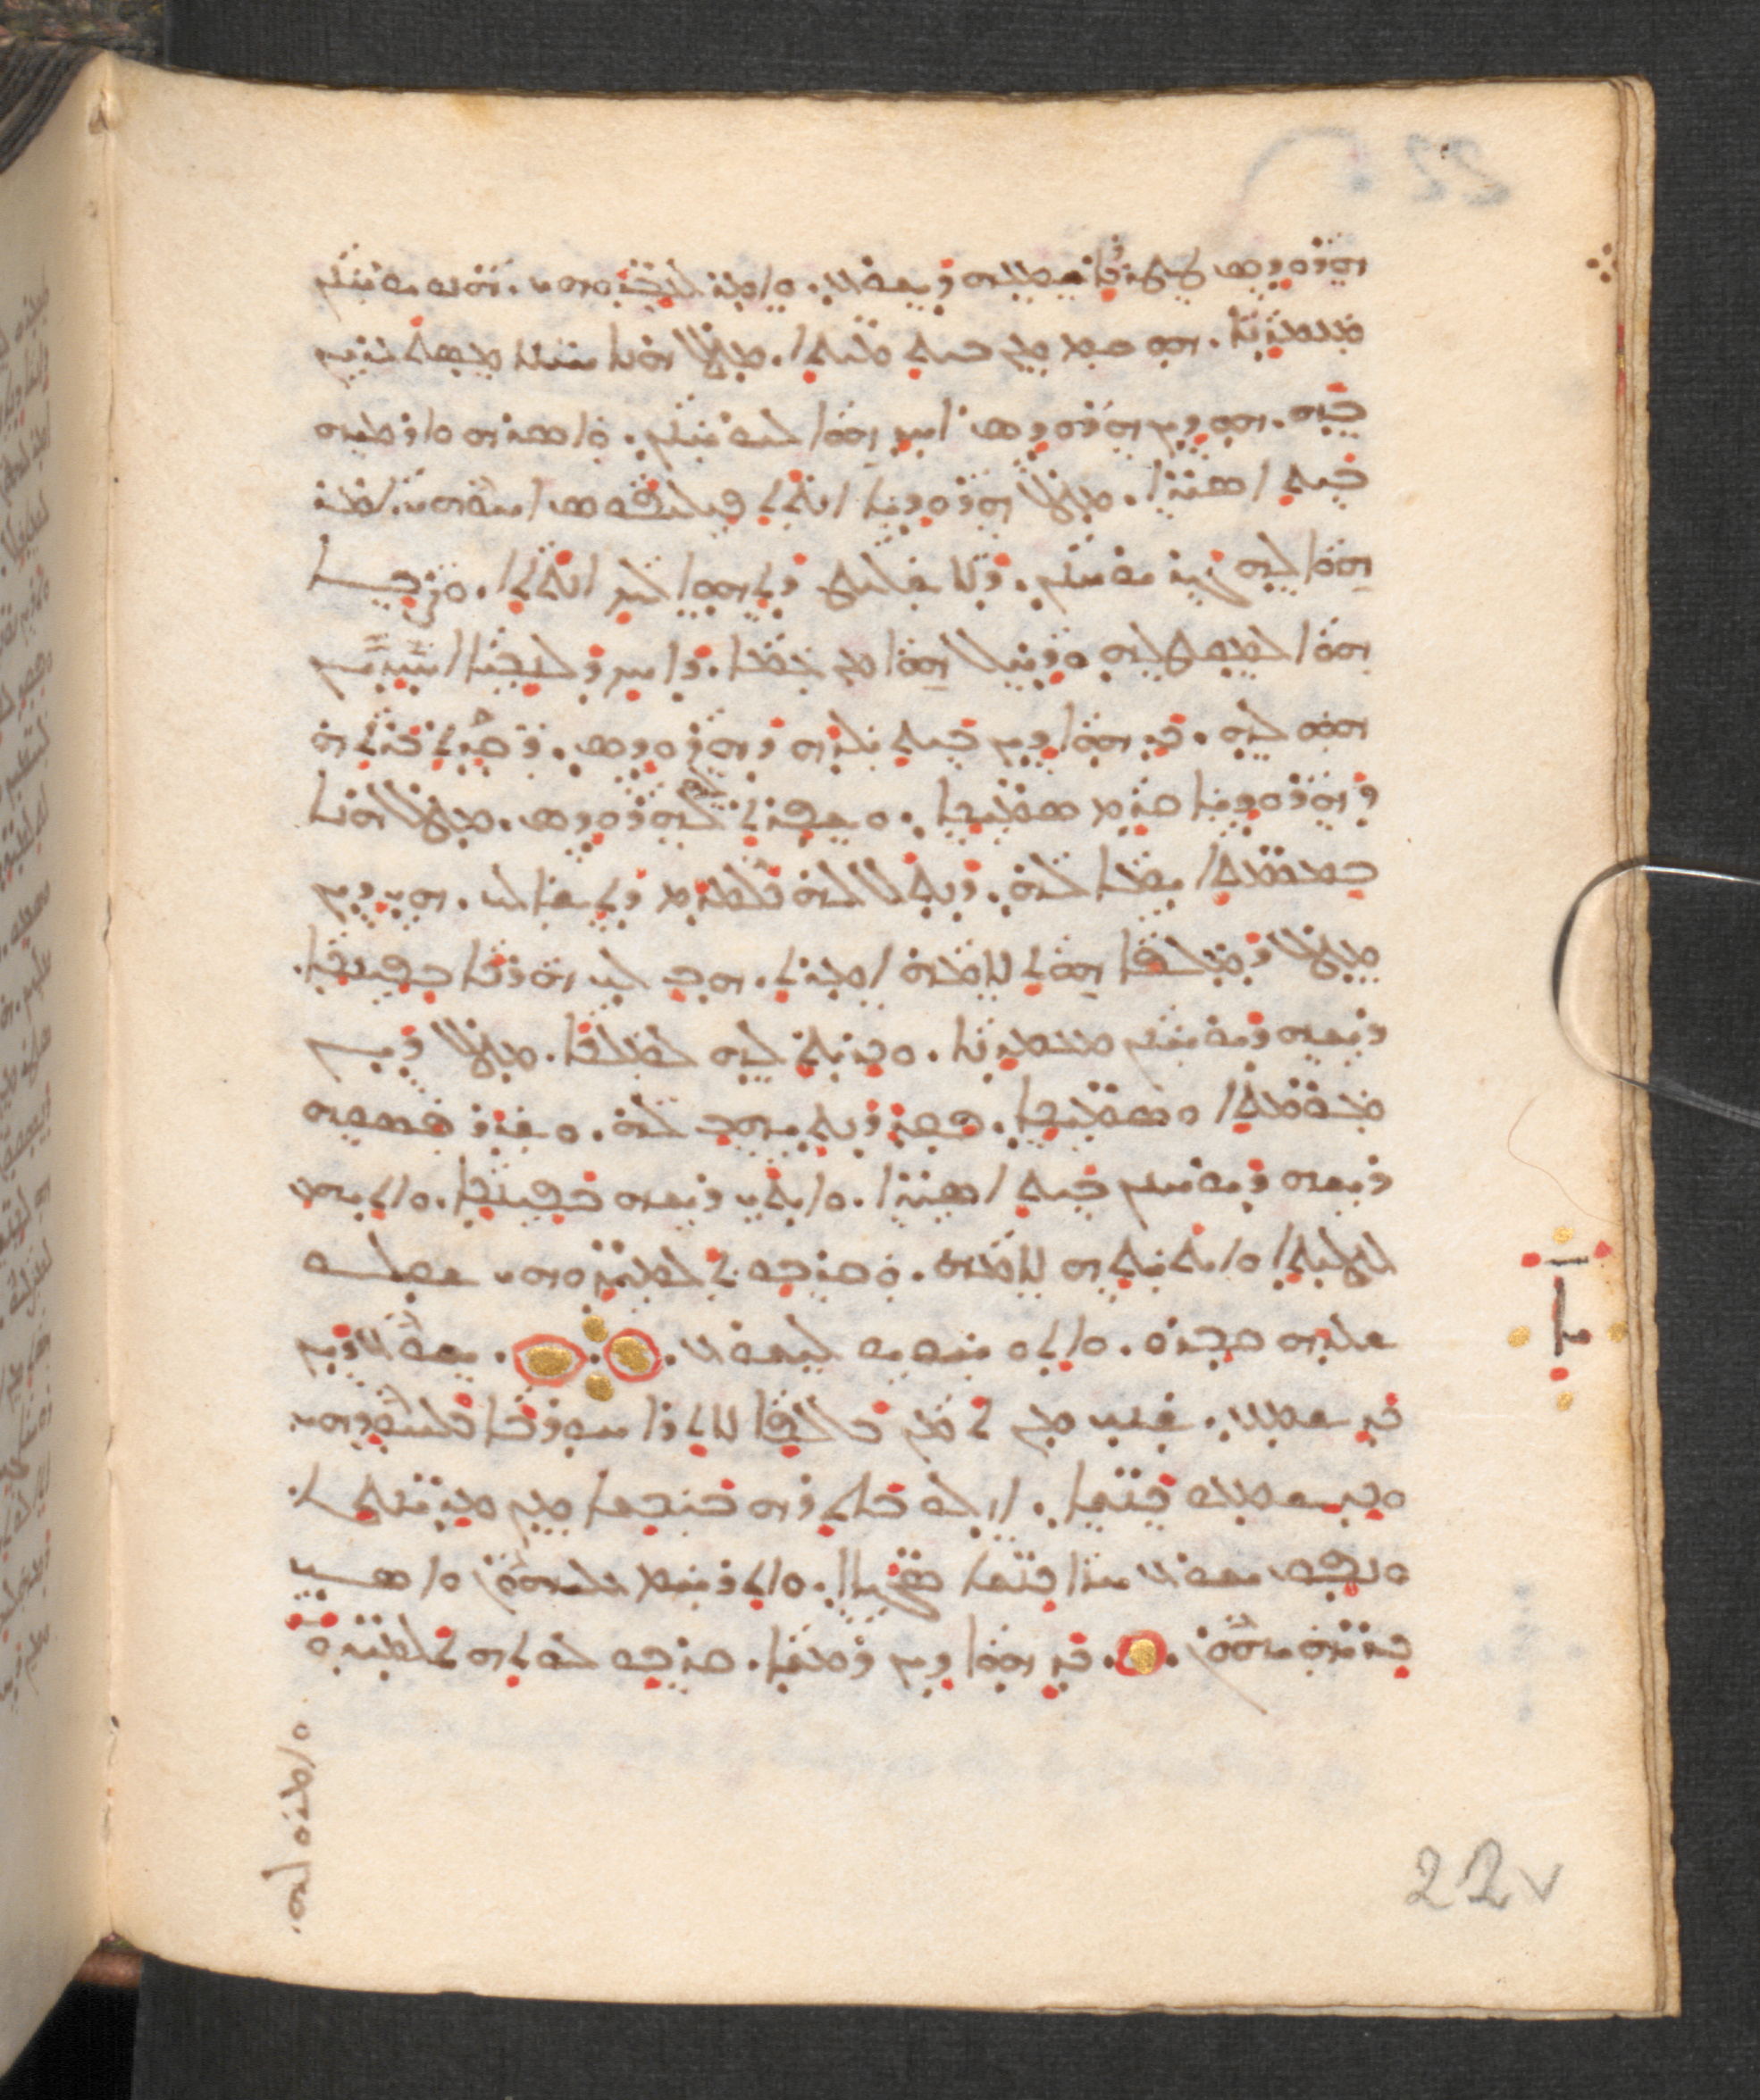ܗܪܘܕܣ ܛܛܪܪܟܐ ܫܡܥܗ ܕܝܫܘܥ܆ ܘܐܡ̣ܪ ܠܥܒ̈ܕܘܗܝ. ܗܢܘ ܝܘܚܢܢ
ܡܥܡܕܢܐ. ܗ̣ܘ ܩ̣ܡ ܡܢ ܒܝܬ ܡ̈ܝܬܐ. ܡܛܠ ܗ̇ܢܐ ܚܝ̈ܠܐ ܡܣܬܥܪܝܢ
ܒܗ. ܗ̣ܘ ܕܝܢ ܗܪܘܕܣ ܐܚܕ ܗܘܐ ܠܝܘܚܢܢ܆ ܘܐܣܪܗ ܘܐܪܡܝܗ
ܒܝܬ ܐܣܝܪ̈ܐ. ܡܛܠ ܗܪܘܕܝܐ ܐܢܬܬ ܦܝܠܝܦܘܣ ܐܚܘܗܝ. ܐܡ̇ܪ
ܗܘܐ ܠܗ ܓܝܪ ܝܘܚܢܢ܆ ܕܠܐ ܫܠܝܛ ܕܬܗܘ̣ܐ ܠܟ ܐܢܬܬܐ. ܘܨ̇ܒܐ
ܗܘܐ ܠܡܩܛܠܗ ܘܕܚ̇ܠ ܗܘܐ ܡܢ ܥܡܐ. ܕܐܝܟ ܕܠܢܒܝܐ ܐܚܝܕܝܢ
ܗܘܘ ܠܗ. ܟܕ ܗܘܐ ܕܝܢ ܒܝܬ ܝܠܕܗ ܕܗܪܘܕܣ: ܪܩܕܬ݀ ܒܪܬܗ̇
ܕܗܪܘܕܝܐ ܩܕܡ ܣܡ̈ܝܟܐ: ܘܫܦܪܬ݀ ܠܗܪܘܕܣ. ܡܛܠ ܗܢܐ
ܒܡܘܡ̈ܬܐ ܝܡܐ ܠܗ܆ ܕܢܬܠ ܠܗ̇ ܟܠܡܕܡ ܕܬܫܐܠܝ. ܗ̣ܝ ܕܝܢ
ܡܛܠ ܕܡܠܦܐ ܗܘܬ ܠܐܡܗ̇ ܐܡ̣ܪܬ. ܗ̣ܒ ܠܝ ܗܪܟܐ ܒܦܝܢܟܐ.
ܪܝܫܗ ܕܝܘܚܢܢ ܡܥܡܕܢܬ. ܘܟܪܝܬ݀ ܠܗ ܠܡܠܟܐ. ܡܛܠ ܕܝܢ
ܡܘ̈ܡܬܐ ܘܣܡ̈ܝܟܐ܆ ܦܩ̣ܕ ܕܢܬܝܗܒ ܠܗ̇. ܘܫܕܪ ܦܣܩܗ
ܪܝܫܗ ܕܝܘܚܢܢ ܒܝܬ ܐܣܝܪ̈ܐ. ܘܐܝ̣ܬܝ ܪܝܫܗ ܒܦܝܢܟܐ. ܘܐܬܝܗܒ
ܠܛܠܝܬܐ ܘܐܝܬܝܬܗ ܠܐܡܗ. ܘܩܪܒܘ ܬܠܡܝ̈ܕܘܗܝ ܫܩ̣ܠܘ
ܫܠܕܗ ܩܒܪܘ. ܘܐܬ̣ܘ ܚܘܝܘ ܠܝܫܘܥ܀ ܝܫܘܥ ܕܝܢ
ܟܕ ܫܡ̣ܥ: ܫܢܝ ܡ̣ܢ ܬܡܢ ܒܐܠܦܐ ܠܐܬܪܐ ܚܘܪܒܐ ܒܠܚܘܕܗܝ.
ܘܟܕ ܫܡܥ̣ܘ ܟܢ̈ܫܐ܆ ܐܙ̣ܠܘ ܒܬܪܗ ܒܝܒܫܐ ܡ̣ܢ ܡܕܝ̈ܢܬܐ
ܘܢܦ̣ܩ ܝܫܘܥ ܚܙܐ ܟܢ̈ܫܐ ܣܓ̈ܝܐܐ܆ ܘܐܬܪܚܡ ܥܠܝܗܘܢ ܘܐܣܝ
ܟܪ̈ܝܗܝܗܘܢ . ܟܕ ܗܘ̣ܐ ܕܝܢ ܪܡܫܐ. ܩܪܒܘ ܠܘܬܗ ܬܠܡܝ̈ܕ܏ܘ
܀
ܠܗ
ܟ
ܘܐܡܪܘ ܠܗ.
22v